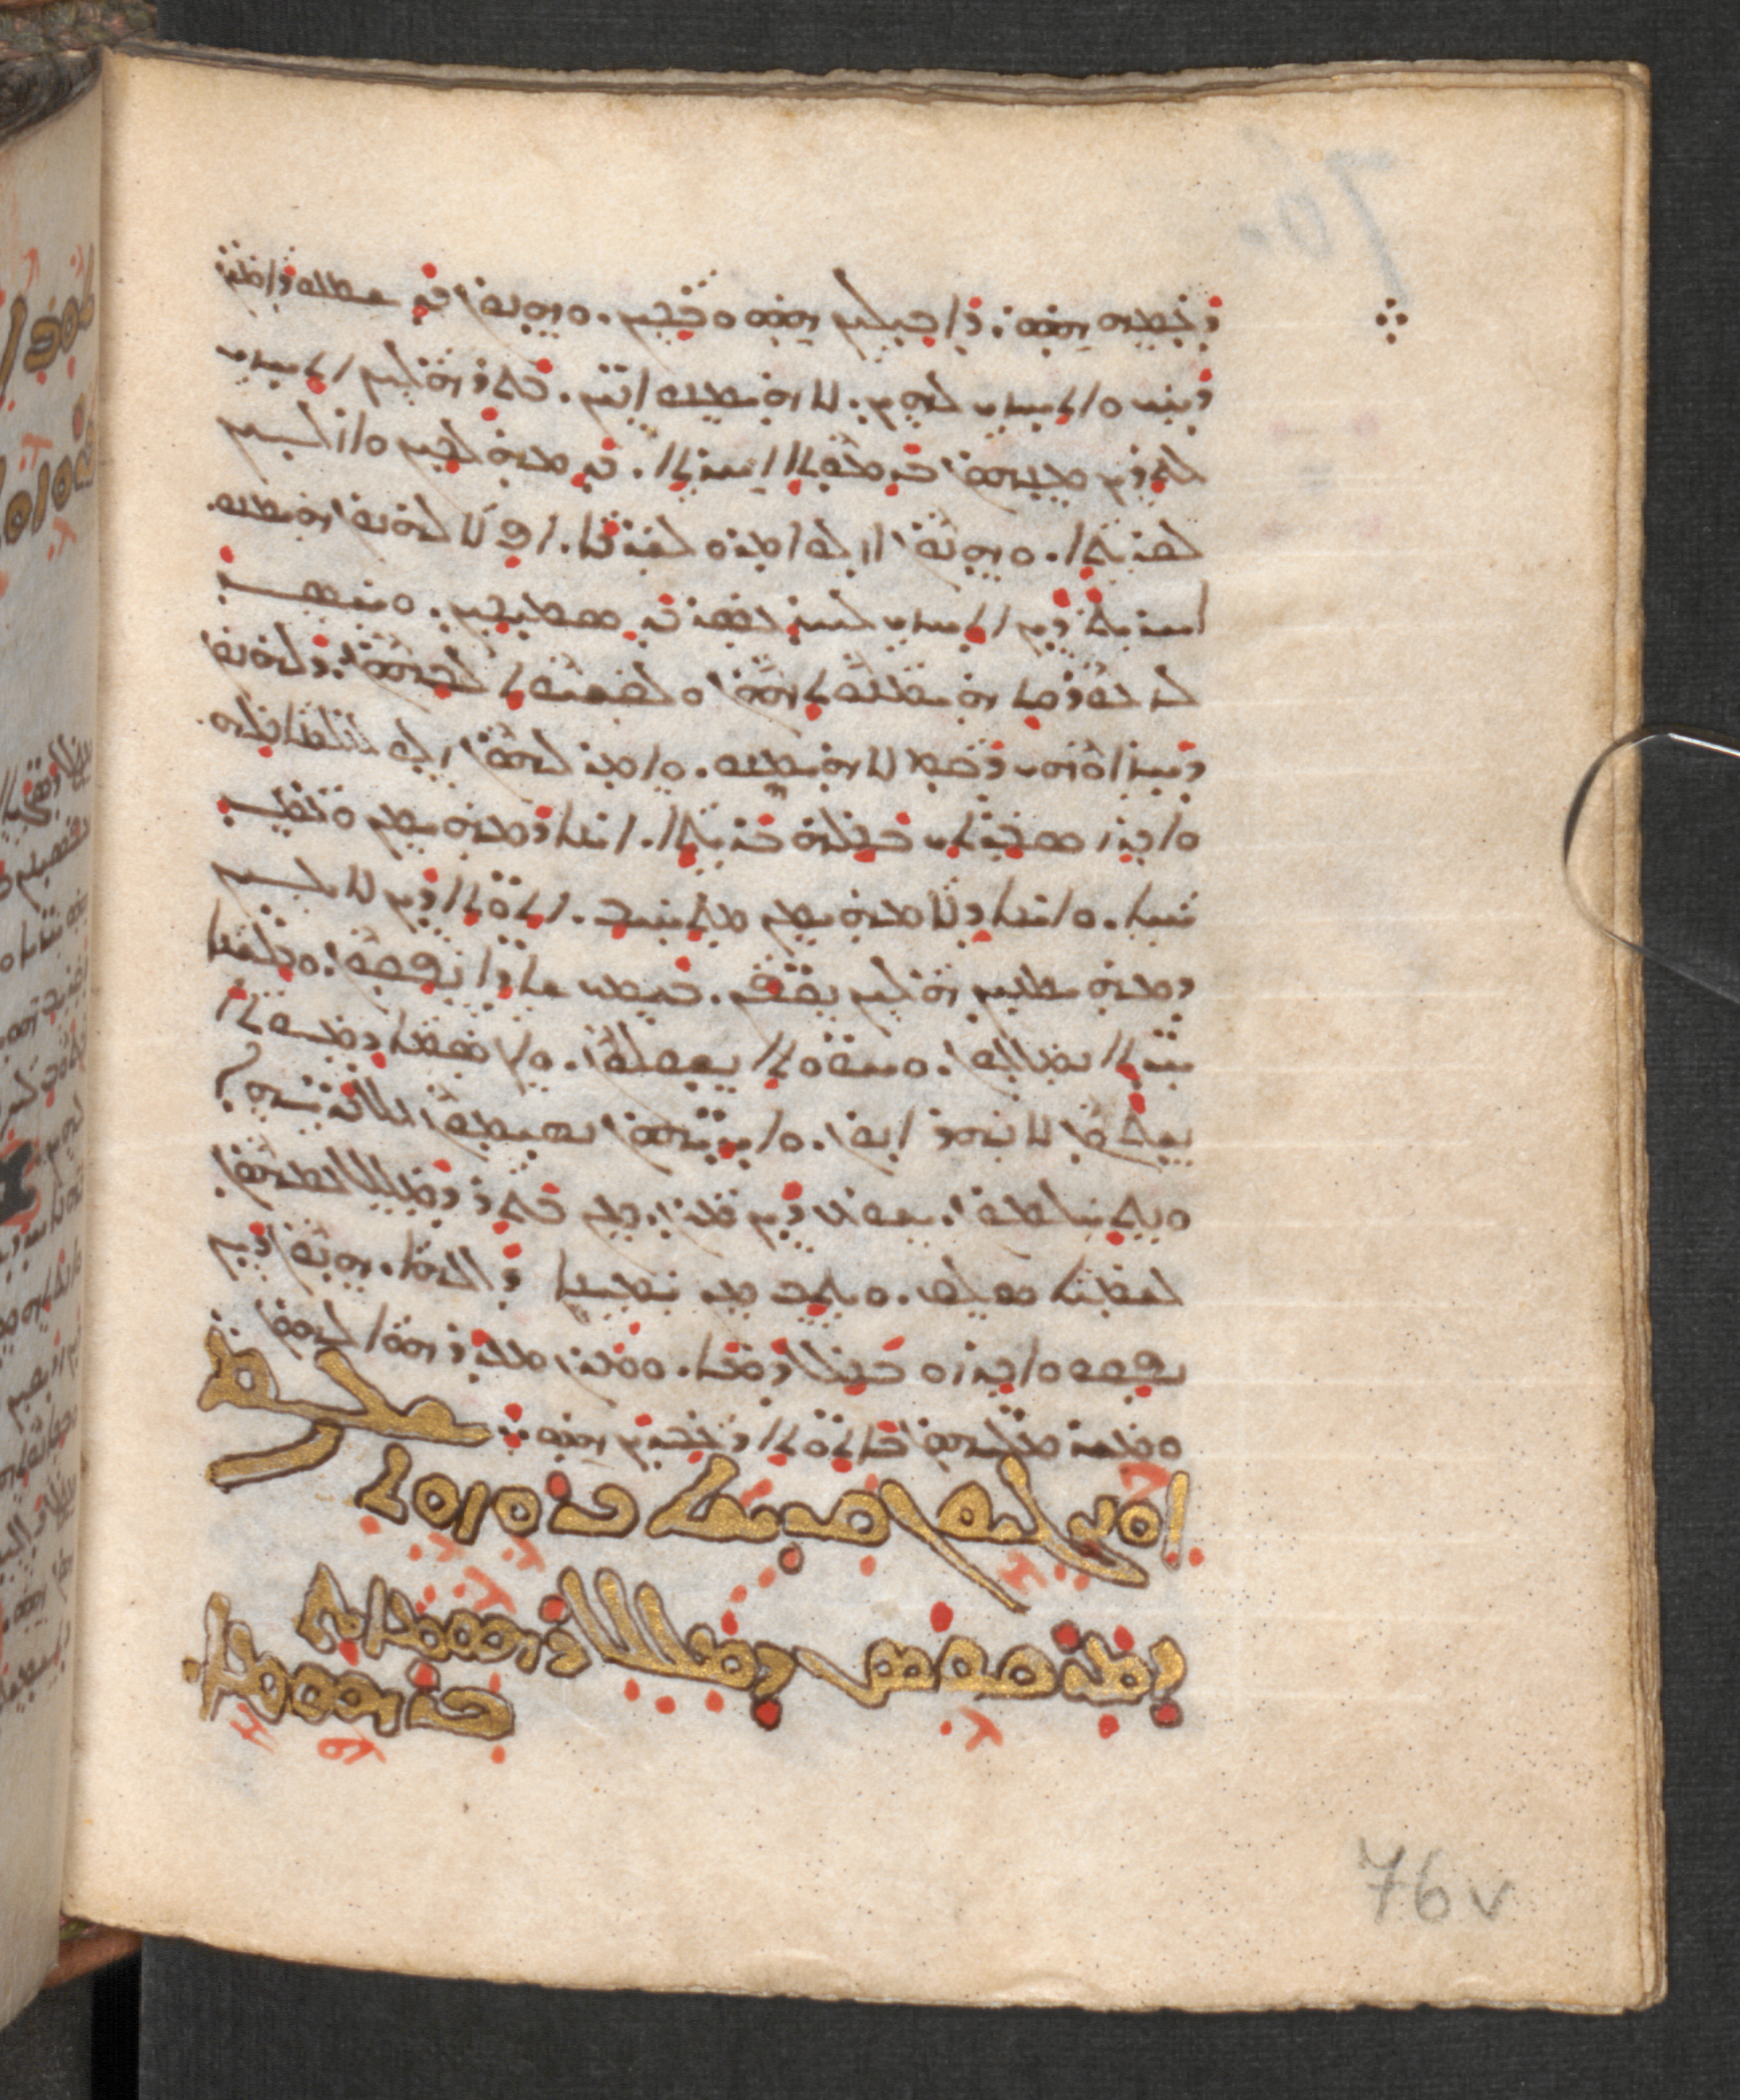ܕܥܡܗ ܗܘܘ: ܕܐܒܝܠܝܢ ܗܘܘ ܘܒ̇ܟܝܢ. ܘܗܢܘܢ ܟܕ ܫܡܥܘ ܕܐܡܪ̈ܢ
ܕܚܝ ܘܐܬܚܙܝ ܠܗܝܢ܆ ܠܐ ܗܝܡܢܘ ܐܢܝ̈ܢ. ܒܬܪ ܗܠܝܢ ܐܬܚܙܝ
ܠܬܪܝܢ ܡܢܗܘܢ ܒܕܡܘܬܐ ܐܚܪܬܐ. ܟܕ ܡܗܠܟܝܢ ܘܐܙܠܝܢ
ܠܩܪܝܬܐ. ܘܗ̣ܢܘܢ ܐܙ̣ܠܘ ܐܡ̣ܪܘ ܠܫܪܟܐ. ܐܦ ܠܐ ܠܗ̇ܢܘܢ ܗܝܡܢܘ.
ܐܚܪܝܬ ܕܝܢ ܐܬܚܙܝ ܠܚܕܥܣܪ ܟܕ ܣܡܝܟܝܢ܆ ܘܚܣܕ
ܠܙܥܘܪܘܬ ܗܝܡܢܘܬܗܘܢ ܘܠܩܫܝܘܬ ܠܒܗܘܢ ܕܠܗ̇ܢܘܢ
ܕܚܙܐܘܗܝ ܕܩ̣ܡ ܠܐ ܗܝܡܢܘ. ܘܐܡ̣ܪ ܠܗܘܢ ܙܠܘ ܠܥܠܡܐ ܟܠܗ.
ܘܐܟܪܙ ܣܒܪܬܝ ܒܟܠܗ̇ ܒܪܝܬܐ. ܐܝܢܐ ܕܡܗܝܡܢ ܘܥ̇ܡܕ
ܚܝܐ. ܘܐܝܢܐ ܕܠܐ ܡܗܝܡܢ ܡܬܚܝܒ. ܐܬܘ̈ܬܐ ܕܝܢ ܠܐܝܠܝܢ
ܕܡܗܝܡܢܝܢ ܗܠܝܢ ܢܩ̈ܦܢ. ܒܫܡܝ ܫܐܕ̈ܐ ܢܦܩܘܢ. ܘܒܠܫ̈ܢܐ
ܚܕ̈ܬܐ ܢܡܠܠܘܢ. ܘܚܘ̈ܘܬܐ ܢܫܩܠܘܢ. ܘܐܢ ܣܡܐ ܕܡܘܬܐ
ܢܫܬܘܢ. ܠܐ ܢܗܪ ܐܢܘܢ. ܘܐܝܕܝ̈ܗܘܢ ܢܣܝܡܘܢ ܥܠ ܟܪ̈ܝܗܐ.
ܘܢܬܚܠܡܘܢ. ܝܫܘܥ ܕܝܢ ܡܪܢ܆ ܡ̣ܢ ܒܬܪ ܕܡܠܠ ܥܡܗܘܢ
ܠܫܡܝܐ ܣܠܩ. ܘܝܬܒ ܡ̣ܢ ܝܡܝܢܐ ܕܐܠܗܐ. ܗܢܘܢ ܕܝܢ
ܢܦ̣ܩܘ ܘܐܟܪܙܘ ܒܟܠ ܕܘܟܐ. ܘܡܪܢ ܡܥܕܪ ܗܘܐ ܠܗܘܢ܆
ܘܡܫܪ ܡܠ̈ܝܗܘܢ ܒܐܬܘ̈ܬܐ ܕܥ̇ܒܕܝܢ ܗܘܘ܀
ܫܠܡ
ܐܘܢܓܠܝܘܢ ܩܕܝܫܐ ܟܪܘܙܘܬܐ
ܕܡܪܩܘܣ ܕܡܠܠ ܪܗܘܡܐܝܬ
ܒܪܗܘܡܐ.
܀
76 v